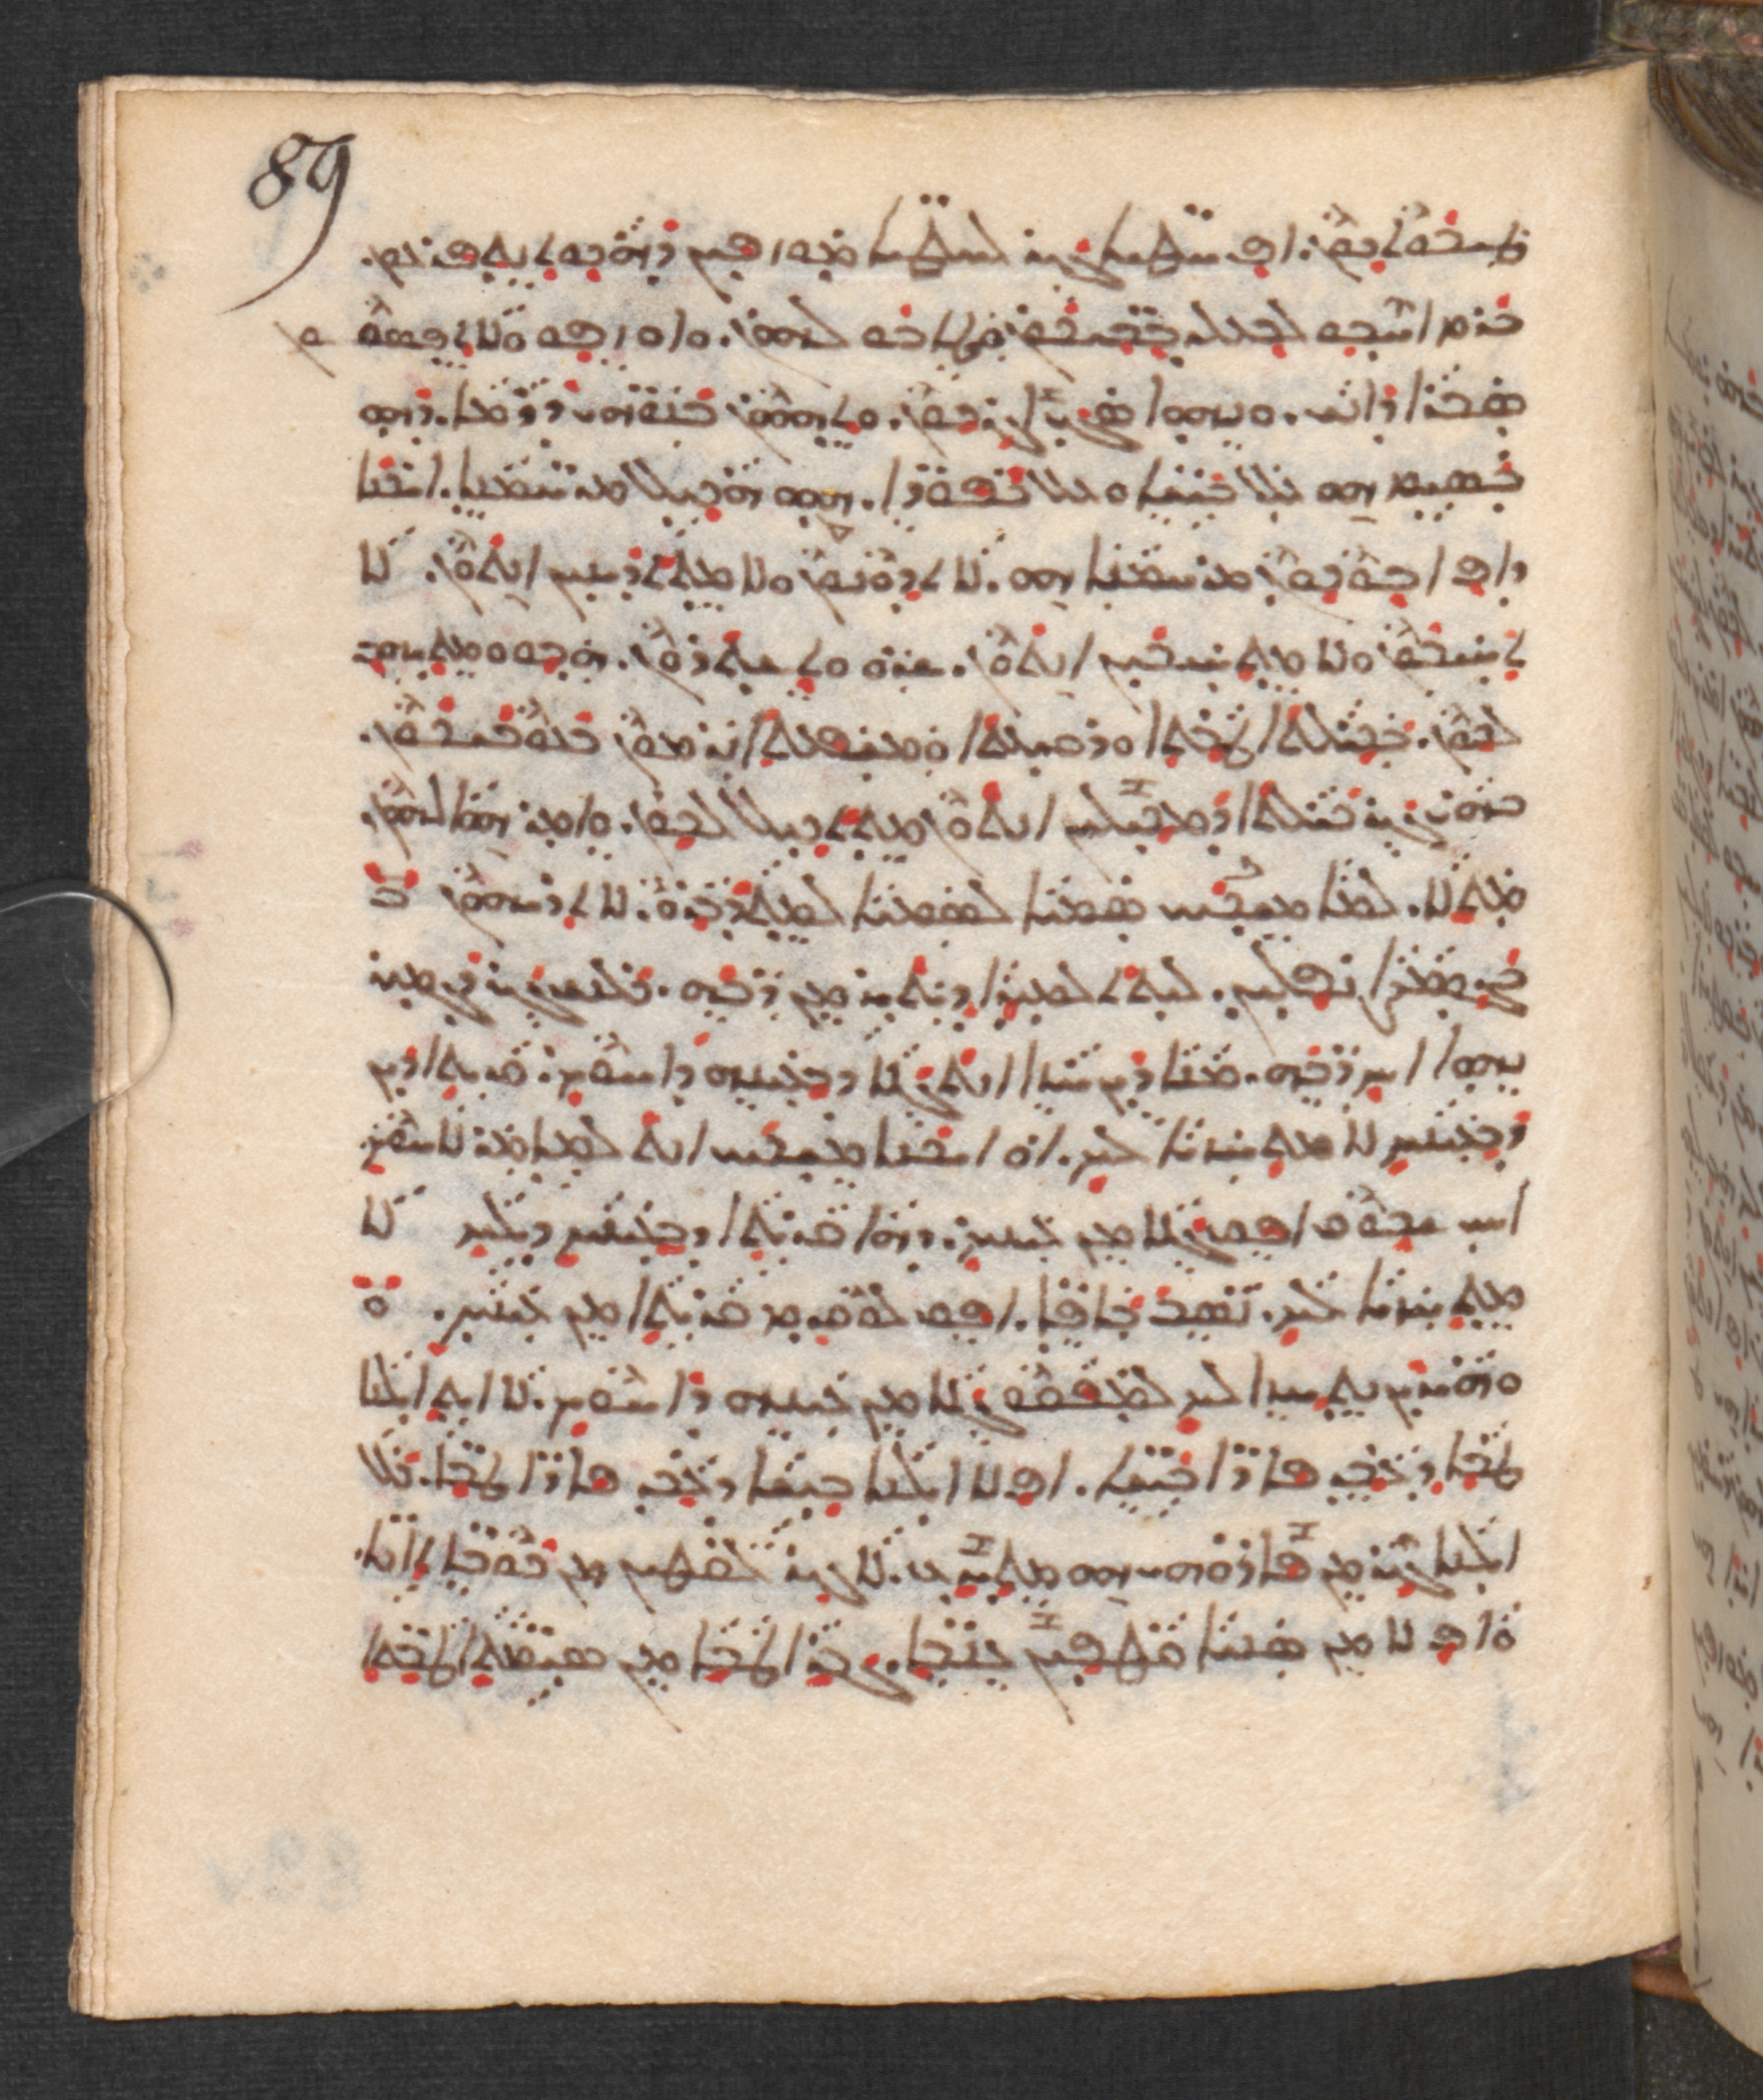ܛܝܒܘܬܟܘܢ܇ ܐܦ ܚܛ̈ܝܐ ܓܝܪ ܠܚܛ̈ܝܐ ܡ̇ܘܙܦ̣ܝܢ ܕܗܟܘܬ ܢ̣ܬܦܪܥܘܢ.
ܒܪܡ ܐܚܒ̣ܘ ܠܒܥܠܕܒ̈ܒܝܟܘܢ ܘܛܐܒܘ ܠܗܘܢ. ܘܐܘܙܦܘ ܘܠܐ ܬܦܣܩܘܢ
ܣܒܪܐ ܕܐܢܫ. ܘܢܗܘܐ ܣ̇ܓܝ ܐܓܪܟܘܢ. ܘܬܗܘܘܢ ܒܢܘ̈ܗܝ ܕܪܡܐ. ܕܗ̣ܘ
ܒܲܣܝܡ ܗܘ ܥܠ ܒܝ̈ܫܐ ܘܥܠ ܟܦܘܪ̈ܐ. ܗ̣ܘܘ ܗܟܝܠ ܡܪ̈ܚܡܢܐ܆ ܐܝܟܢܐ
ܕܐܦ ܐܒܘܟܘܢ ܡܪܚܡܢܐ ܗܘ. ܠܐ ܬܕܘܢܘܢ ܘܠܐ ܡܬܬܕܝܢ̣ܝܢ ܐܢܬܘܢ. ܠܐ
ܬܚܝܒܘܢ ܘܠܐ ܡܬܚܝܒܝܢ ܐܢܬܘܢ. ܫܪܘ ܘܬܫܬܪܘܢ. ܗܒܘ ܘܡܬܝܗܒ
ܠܟܘܢ. ܒܟܝܠܬܐ ܛܒܬܐ ܘܪܩܝܥܬܐ ܘܡܫܦܥܬܐ ܢܪܡܘܢ ܒܥܘܒ̈ܝܟܘܢ.
ܒܗ̇ܝ ܓܝܪ ܟܝܠܬܐ ܕܡܟܝܠܝܢ ܐܢܬܘܢ ܡܬܬܟܝܠ ܠܟܘܢ. ܘܐܡ̣ܪ ܗܘܐ ܠܗܘܢ
ܡܬܠܐ. ܠܡܐ ܡܫܟ̣ܚ ܣܡܝܐ ܠܣܡܝܐ ܠܡܬܕܒܪܘ. ܠܐ ܬܪܝܗܘܢ ܏ܒ
ܒܓܘܡܨܐ ܢܦܠܝܢ܆ ܠܝܬ ܬܠܡܝܕܐ ܕܝܬܝܪ ܡ̣ܢ ܪܒܗ. ܟܠܢܫ ܓܝܪ ܕܓܡܝܪ
ܢܗܘ̣ܐ ܐܝܟ ܪܒܗ. ܡܢܐ ܕܝܢ ܚܙܐ ܐܢܬ ܓܠܐ ܕܒܥܝܢܗ ܕܐܚܘܟ. ܩܕܝܬܐ ܕܝܢ
ܕܒܥܝܢܟ ܠܐ ܡܬܚܙܝܐ ܠܟ. ܐܘ ܐܝܟܢܐ ܡܫܟܚ ܐܢܬ ܠܡܐܡܪ ܠܐܚܘܟ.
ܐܚܝ ܫܒܘܩ ܐܦܩ ܓܠܐ ܡ̣ܢ ܥܝܢܟ܇ ܕܗܐ ܩܪܝܬܐ ܕܒܥܝܢܟ ܕܝܠܟ ܠܐ
ܡܬܚܙܝܐ ܠܟ. ܢ̇ܣܒ ܒܐܦ̈ܐ܆ ܐܦܩ ܠܘܩܕܡ ܩܪܝܬܐ ܡ̣ܢ ܥܝܢܟ. ܏ܘ
ܘܗܝܕܝܢ ܢܬܚܙܐ ܠܟ ܠܡܦܩܘ ܓܠܐ ܡ̣ܢ ܥܝܢܗ ܕܐܚܘܟ. ܠܐ ܐܝܬ ܐܝܠܢܐ
ܛܒܐ ܕܥܒ̇ܕ ܦܐܪ̈ܐ ܒܝ̈ܫܐ. ܐܦ ܠܐ ܐܝܠܢܐ ܒܝܫܐ ܕܥ̇ܒܕ ܦܐܪ̈ܐ ܛܒ̈ܐ. ܟܠ
ܐܝܠܢܐ ܓܝܪ ܡ̣ܢ ܦܐܪ̈ܘܗܝ ܗܘ ܡܬܝܕܥ. ܠܐ ܓܝܪ ܠܩ̇ܛܝܢ ܡ̣ܢ ܟܘ̈ܒܐ ܬܐܢ̈ܐ
ܘܐܦ ܠܐ ܡ̣ܢ ܣܢܝܐ ܩ̇ܛܦܝܢ ܥܢ̈ܒܐ. ܓܒܪܐ ܛܒܐ ܡ̣ܢ ܣܝ̈ܡܬܐ ܛܒ̈ܬܐ
89